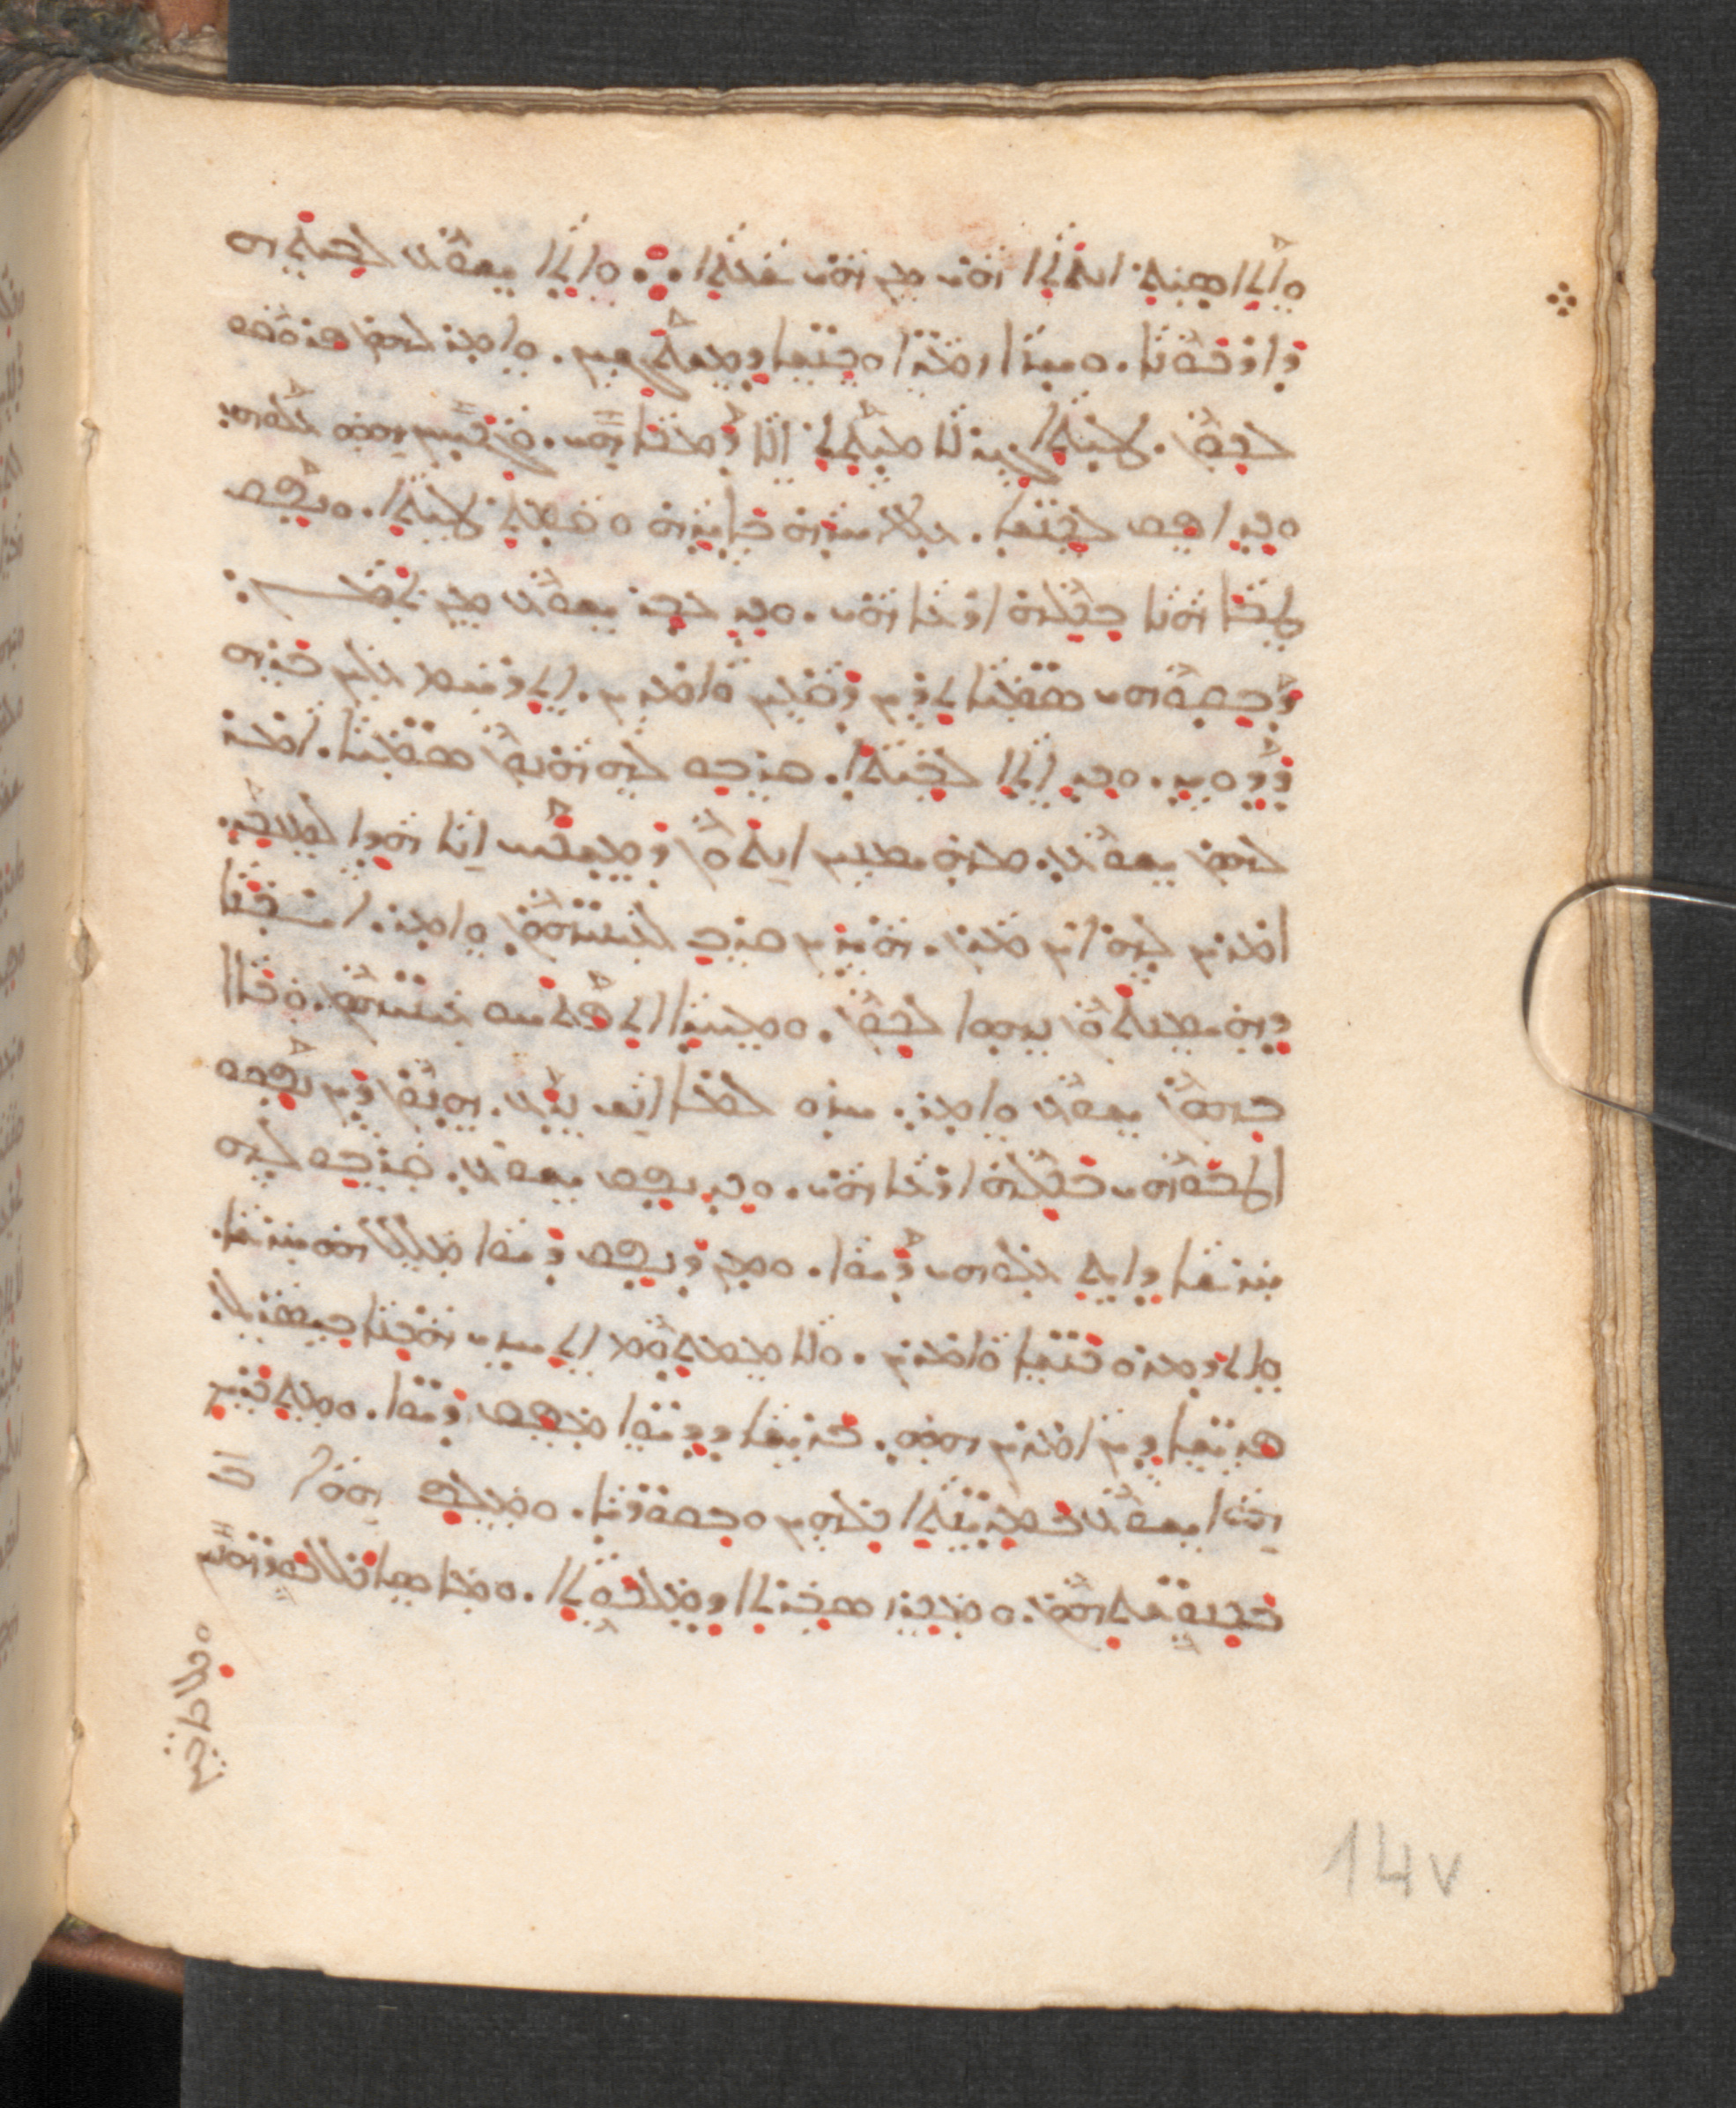ܘܐܬܐܣܝܬ݀ ܐܢܬܬܐ ܗ̇ܝ ܡ̣ܢ ܗ̇ܝ ܫܥܬܐ܀ ܘܐܬ̣ܐ ܝܫܘܥ ܠܒܝܬܗ
ܕܐܪܟܘܢܐ. ܘܚ̣ܙܐ ܙܡܪ̈ܐ ܘܟܢ̈ܫܐ ܕܡܫܬܓܫܝܢ. ܘܐܡ̣ܪ ܠܗܘ̇ܢ ܦܪܘܩܘ
ܠܟܘ̇ܢ . ܛܠܝܬܐ ܓܝܪ ܠܐ ܡܝܬܬ݀ ܐܠܐ ܕܡܟܐ ܗ̣ܝ. ܘܓܒܚ̣ܝܢ ܗܘܘ ܥܠܘܗܝ
ܘܟܕ ܐܦܩ ܠܟܢ̈ܫܐ܆ ܥ̣ܠ ܐܚܕܗ̇ ܒܐܝܕܗ̇ ܘܩܡ̣ܬ ܛܠܝܬܐ. ܘܢܦ̣ܩ
ܛܒܐ ܗܢܐ ܒܟܠܗ̇ ܐܪܥܐ ܗ̇ܝ. ܘܟܕ ܥܒܪ ܝܫܘܥ ܡ̣ܢ ܬܡܢ܆
ܕܒܩܘܗܝ ܣ̈ܡܝܐ ܬܪܝܢ ܕܩ̇ܥܝܢ ܘܐܡ̇ܪܝܢ. ܐܬܪܚܡ ܥܠܝܢ ܒܪܗ
ܕܕܘܝܕ. ܘܟܕ ܐܬܐ ܠܒܝܬܐ. ܩܪܒܘ ܠܗ ܗ̇ܢܘܢ ܣܡ̈ܝܐ. ܐܡ̇ܪ
ܠܗܘ̇ܢ ܝܫܘܥ܆ ܡܗ̇ܝܡܢܝܢ ܐܢܬܘܢ ܕܡܫܟܚ ܐܢܐ ܗܕܐ ܠܡܥܒܕ:
ܐܡܪܝܢ ܠܗ̇ ܐܝܢ ܡܪܢ. ܗ̇ܝܕܝܢ ܩܪܒ ܠܥܝܢܝ̈ܗܘܢ ܘܐܡ̣ܪ. ܐܝܟܢܐ
ܕܗܝܡܢܬܘܢ ܢܗܘܐ ܠܟܘܢ. ܘܡܚܕܐ ܐܬܦܬܚܘ ܥܝܢܝ̈ܗܘܢ. ܘܟܐܐ
ܒܗܘܢ ܚܘܥ ܘܐܡ̣ܪ܆ ܚܙܘ ܠܡܐ ܐܢܫ ܢܕܥ. ܗܢܘܢ ܕܝܢ ܢܦ̣ܩܘ
ܐܛܒܘܗܝ ܒܟܠܗ̇ ܐܪܥܐ ܗ̇ܝ. ܘܟܕ ܢܦ̣ܩ ܝܫܘܥ: ܩܪܒܘ ܠܗ
ܚܪܫܐ ܕܐܬ ܥܠܘܗܝ ܕܝܘܐ. ܘܡ̣ܢ ܕܢܦ̣ܩ ܕܝܘܐ ܡܠܠܐ ܗ̇ܘ ܚܪܫܐ.
ܘܐܬܕܡܪܘ ܟܢ̈ܫܐ ܘܐܡ̇ܪܝܢ. ܘܠܐ ܡܡܬܘܡ ܐܬܚܙܝ ܗܟܢܐ ܒܝܣܪܝܠ.
ܦܪ̈ܝܫܐ ܕܝܢ ܐܡ̇ܪܝܢ ܗܘܘ: ܒܪܝܫܐ ܕܕܝ̈ܘܐ ܡܦܩ ܕܝ̈ܘܐ. ܘܡܬܟܪܟ
ܗܘ̇ܐ ܝܫܘܥ ܒܡܕܝܢ̈ܬܐ ܟܠܗܝܢ ܘܒܩܘܪ̈ܝܐ. ܘܡܠܦ ܗܘܐ ܏ܒ
ܒܟܢܘ̈ܫܬܗܘܢ. ܘܡܟܪܐ ܣܒܪܬܐ ܕܡܠܟܘܬܐ. ܘܡܐܣܐ ܟܠ ܟܘܪ̈ܗܢܝܢ
܀
ܘܟܠ ܟܐܒ̈ܝܢ
14v